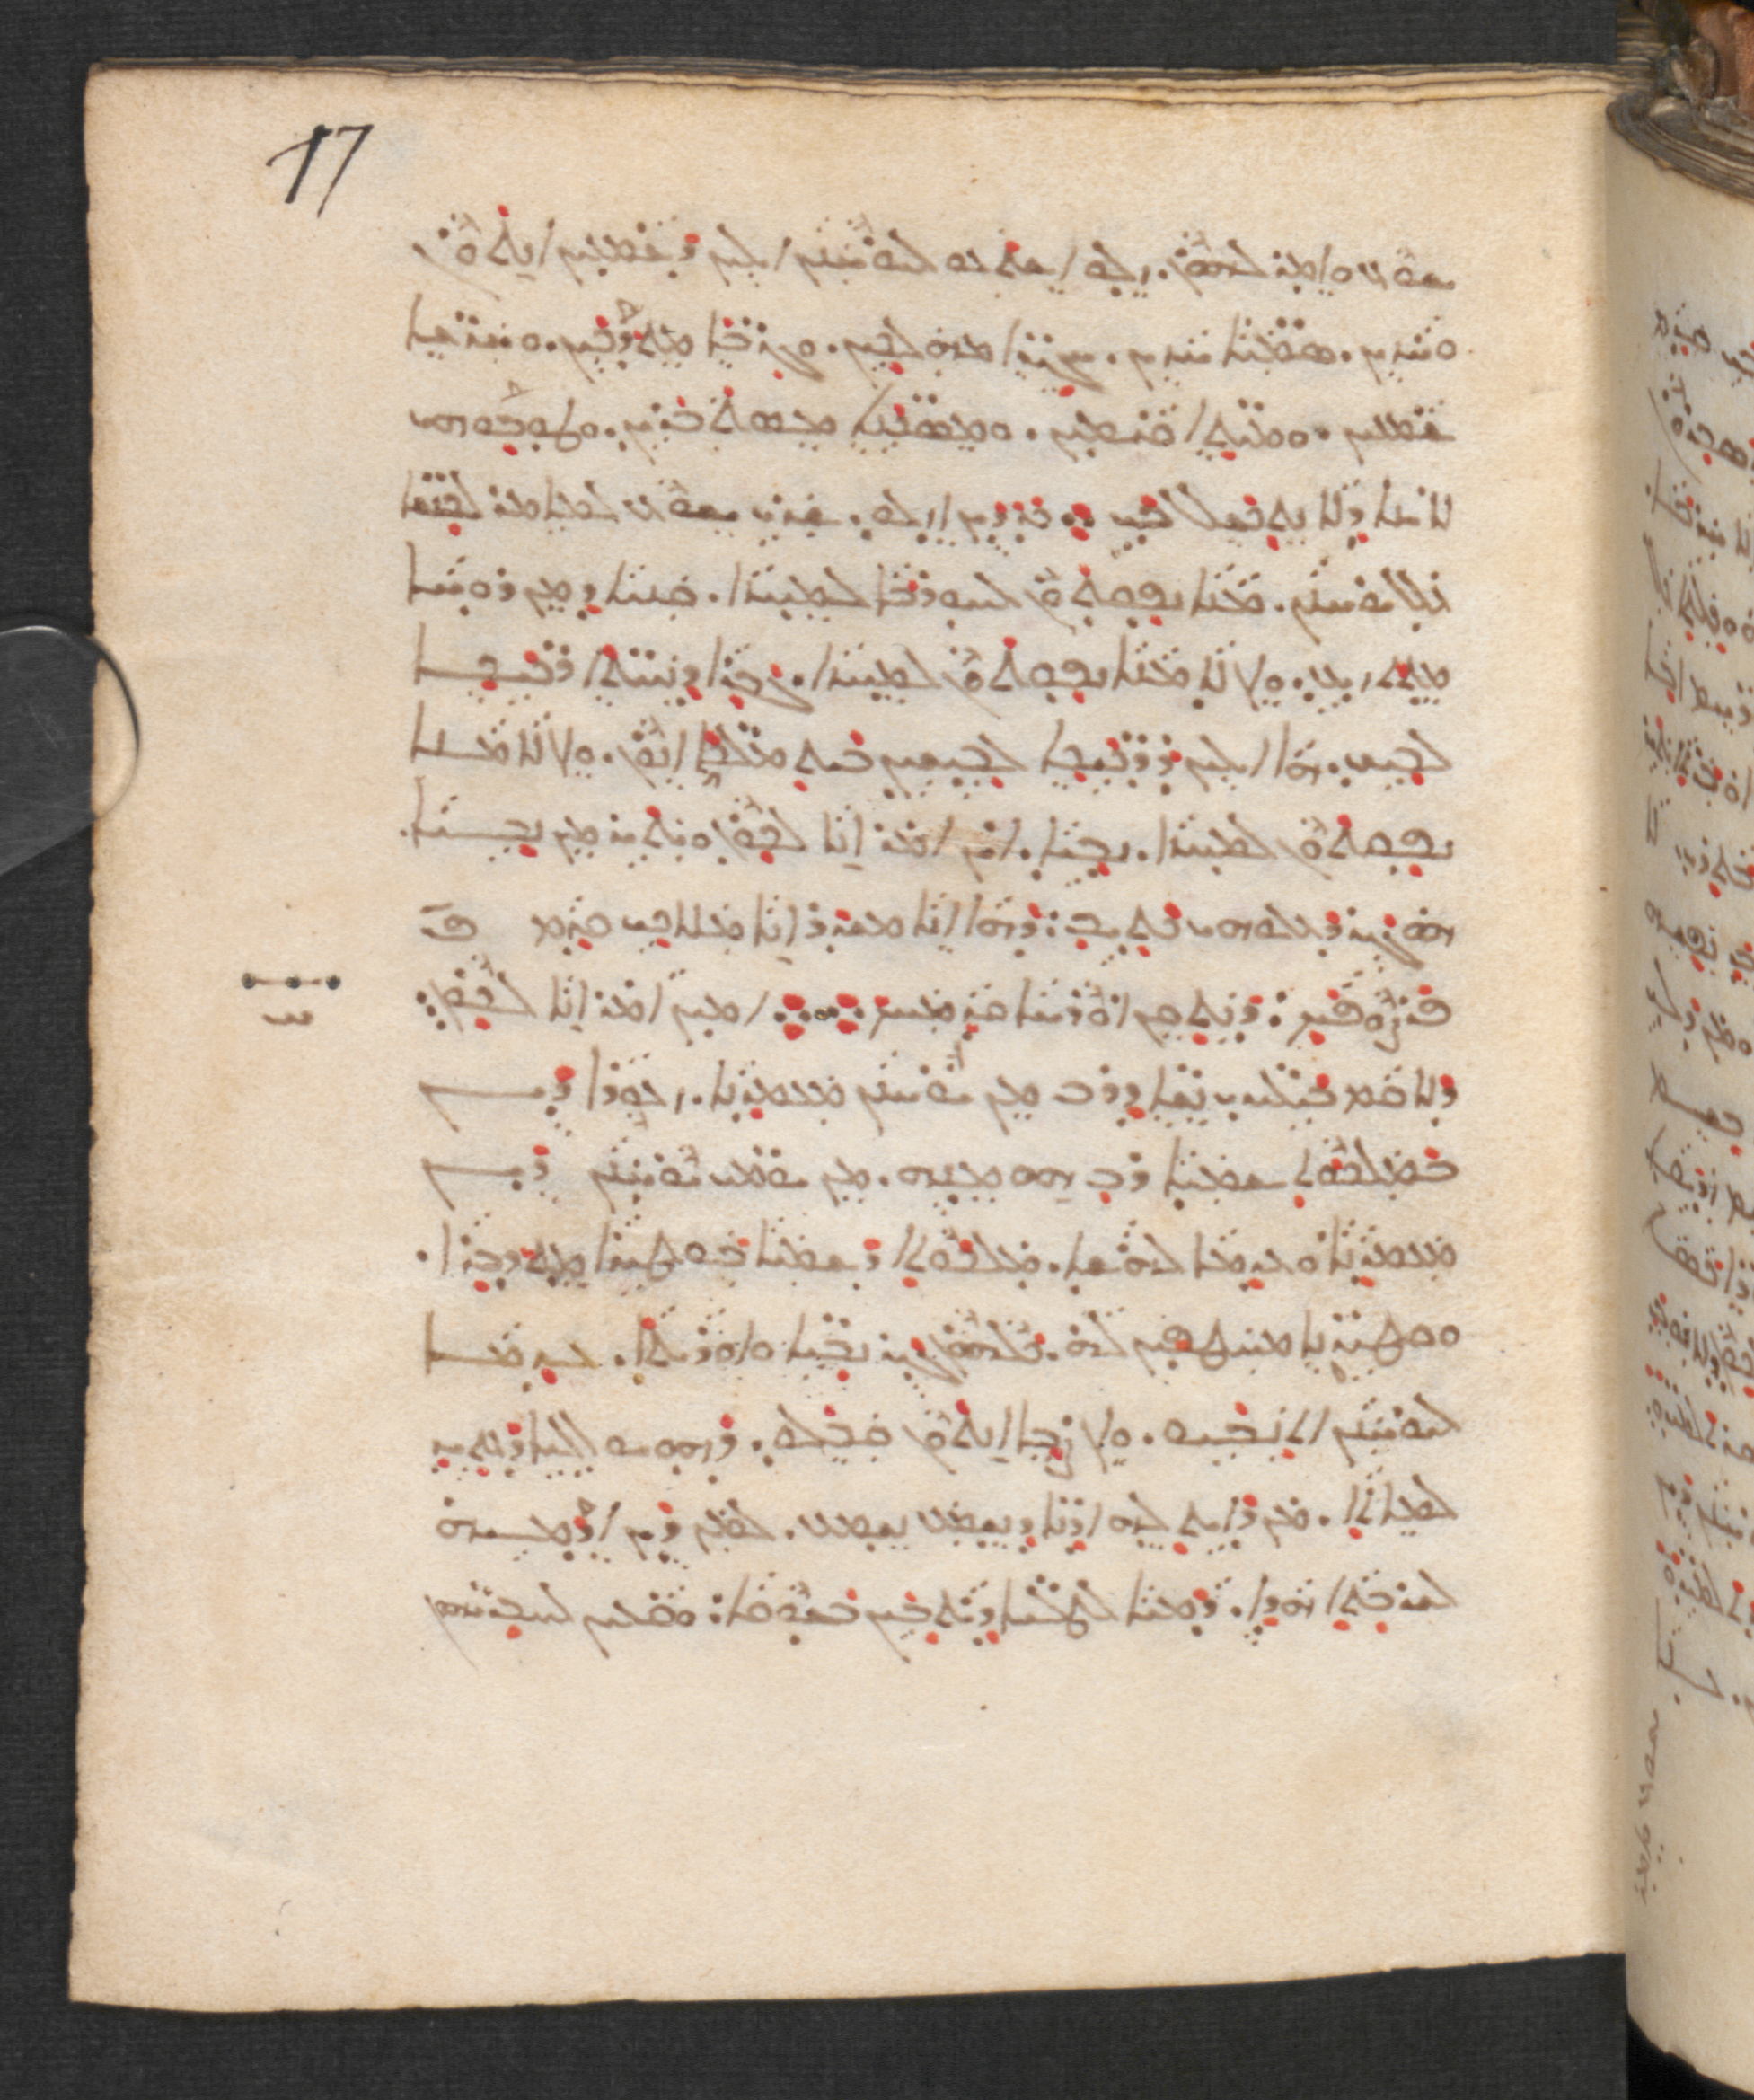ܝܫܘܥ ܘܐܡ̣ܪ ܠܗܘܢ. ܙܠ̣ܘ ܐܫܬܥܘ ܠܝܘܚܢܢ ܐܝܠܝܢ ܕܫܡܥܝܢ ܐܢܬܘܢ
ܘܚܙܝܢ. ܣܡ̈ܝܐ ܚܙܝܢ. ܚܓܝܪ̈ܐ ܡܗܠܟܝܢ. ܘܓܪ̈ܒܐ ܡܬܕܟܝܢ. ܘܚܪ̈ܫܐ
ܫ̇ܡܥܝܢ. ܘܡ̈ܝܬܐ ܩܝܡܝܢ. ܘܡܣ̈ܟܢܐ ܡܣܬܒܪܝܢ܆ ܘܛܘܒܘܗܝ
ܠܐܝܢܐ ܕܠܐ ܢܬܟܫܠ ܒܝ ܀ ܟܕ ܕܝܢ ܐܙ̣ܠܘ܆ ܫܪܝ ܝܫܘܥ ܠܡܐܡܪ ܠܟܢܫ̈ܐ
ܥܠ ܝܘܚܢܢ. ܡܢܐ ܢܦܩܬܘܢ ܠܚܘܪܒܐ ܠܡܚܙܐ. ܩܢܝܐ ܕܡ̣ܢ ܪܘܚܐ
ܡܬܬܙܥ: ܘܐܢ ܠܐ ܡܢܐ ܢܦܩܬܘܢ ܠܡܚܙܐ. ܓܒܪܐ ܕܢܚ̈ܬܐ ܪ̈ܟܝܟܐ
ܠܒܝܫ܆ ܗܐ ܐܠܝܢ ܕܪ̈ܟܝܟܐ ܠܒܝ̣ܫܝܢ ܒܝܬ ܡ̈ܠܟܐ ܐܢܘܢ. ܘܐܢ ܠܐ ܡܢܐ
ܢܦ̣ܩܬܘܢ ܠܡܚܙܐ. ܢܒܝܐ܆ ܐܝܢ ܐܡ̇ܪ ܐܢܐ ܠܟܘܢ ܘܝܬܝܪ ܡܢ ܢܒܝܐ.
ܗܘ ܓܝܪ ܕܥܠܘܗܝ ܟܬܝܒ: ܕܗܐ ܐܢܐ ܡܫܕܪ ܐܢܐ ܡܠܐܟܝ ܩܕܡ ܏ܦ
ܦܪܨܘܦܟ: ܕܢܬܩܢ ܐܘܪܚܐ ܩܕܡܝܟ܀܀ ܐܡܝܢ ܐܡ̇ܪ ܐܢܐ ܠܟܘܢ܆
ܕܠܐ ܩܡ ܒܝܠ̈ܕܝ ܢ̈ܫܐ ܕܪܒ ܡ̣ܢ ܝܘܚܢܢ ܡܥܡܕܢܐ. ܙܥܘܪܐ ܕܝܢ
ܒܡܠܟܘܬ ܫܡܝܐ ܪܒ ܗܘ ܡܢܗ. ܡ̣ܢ ܝܘ̈ܡܝ ܝܘܚܢܢ ܕܝܢ
ܡܥܡܕܢܐ ܘܥܕܡܐ ܠܗܫܐ. ܡܠܟܘܬܐ ܕܫܡܝܐ ܒܩܛܝܪܐ ܡܬܕܒܪܐ.
ܘܩܛܝܪ̈ܢܐ ܡܚܛܦܝܢ ܠܗ̇. ܟܠܗܘܢ ܓܝܪ ܢܒ̈ܝܐ ܘܐܘܪܝܬܐ. ܥܕܡܐ
ܠܝܘܚܢܢ ܐܬܢܒܝܘ. ܘܐܢ ܨ̇ܒܐ ܐܢܬܘܢ ܩܒ̇ܠܘ܆ ܕܗܘܝܘ ܐܠܝܐ ܕܥܬܝܕ
ܠܡܐܬܐ. ܡ̇ܢ ܕܐܝܬ ܠܗ ܐܕ̈ܢܐ ܕܢܫ̣ܡܥ ܢܫܡ̣ܥ. ܠܡ̇ܢ ܕܝܢ ܐܕܡܝܗ̇
ܠܫܪܒܬܐ ܗܕܐ. ܕܡܝܐ ܠܛܠ̈ܝܐ ܕܝ̇ܬܒܝܢ ܒܫܘܩܐ: ܘܩ̇ܥܝܢ ܠܚܒܪ̈ܝܗܘܢ
17
܏ܚ